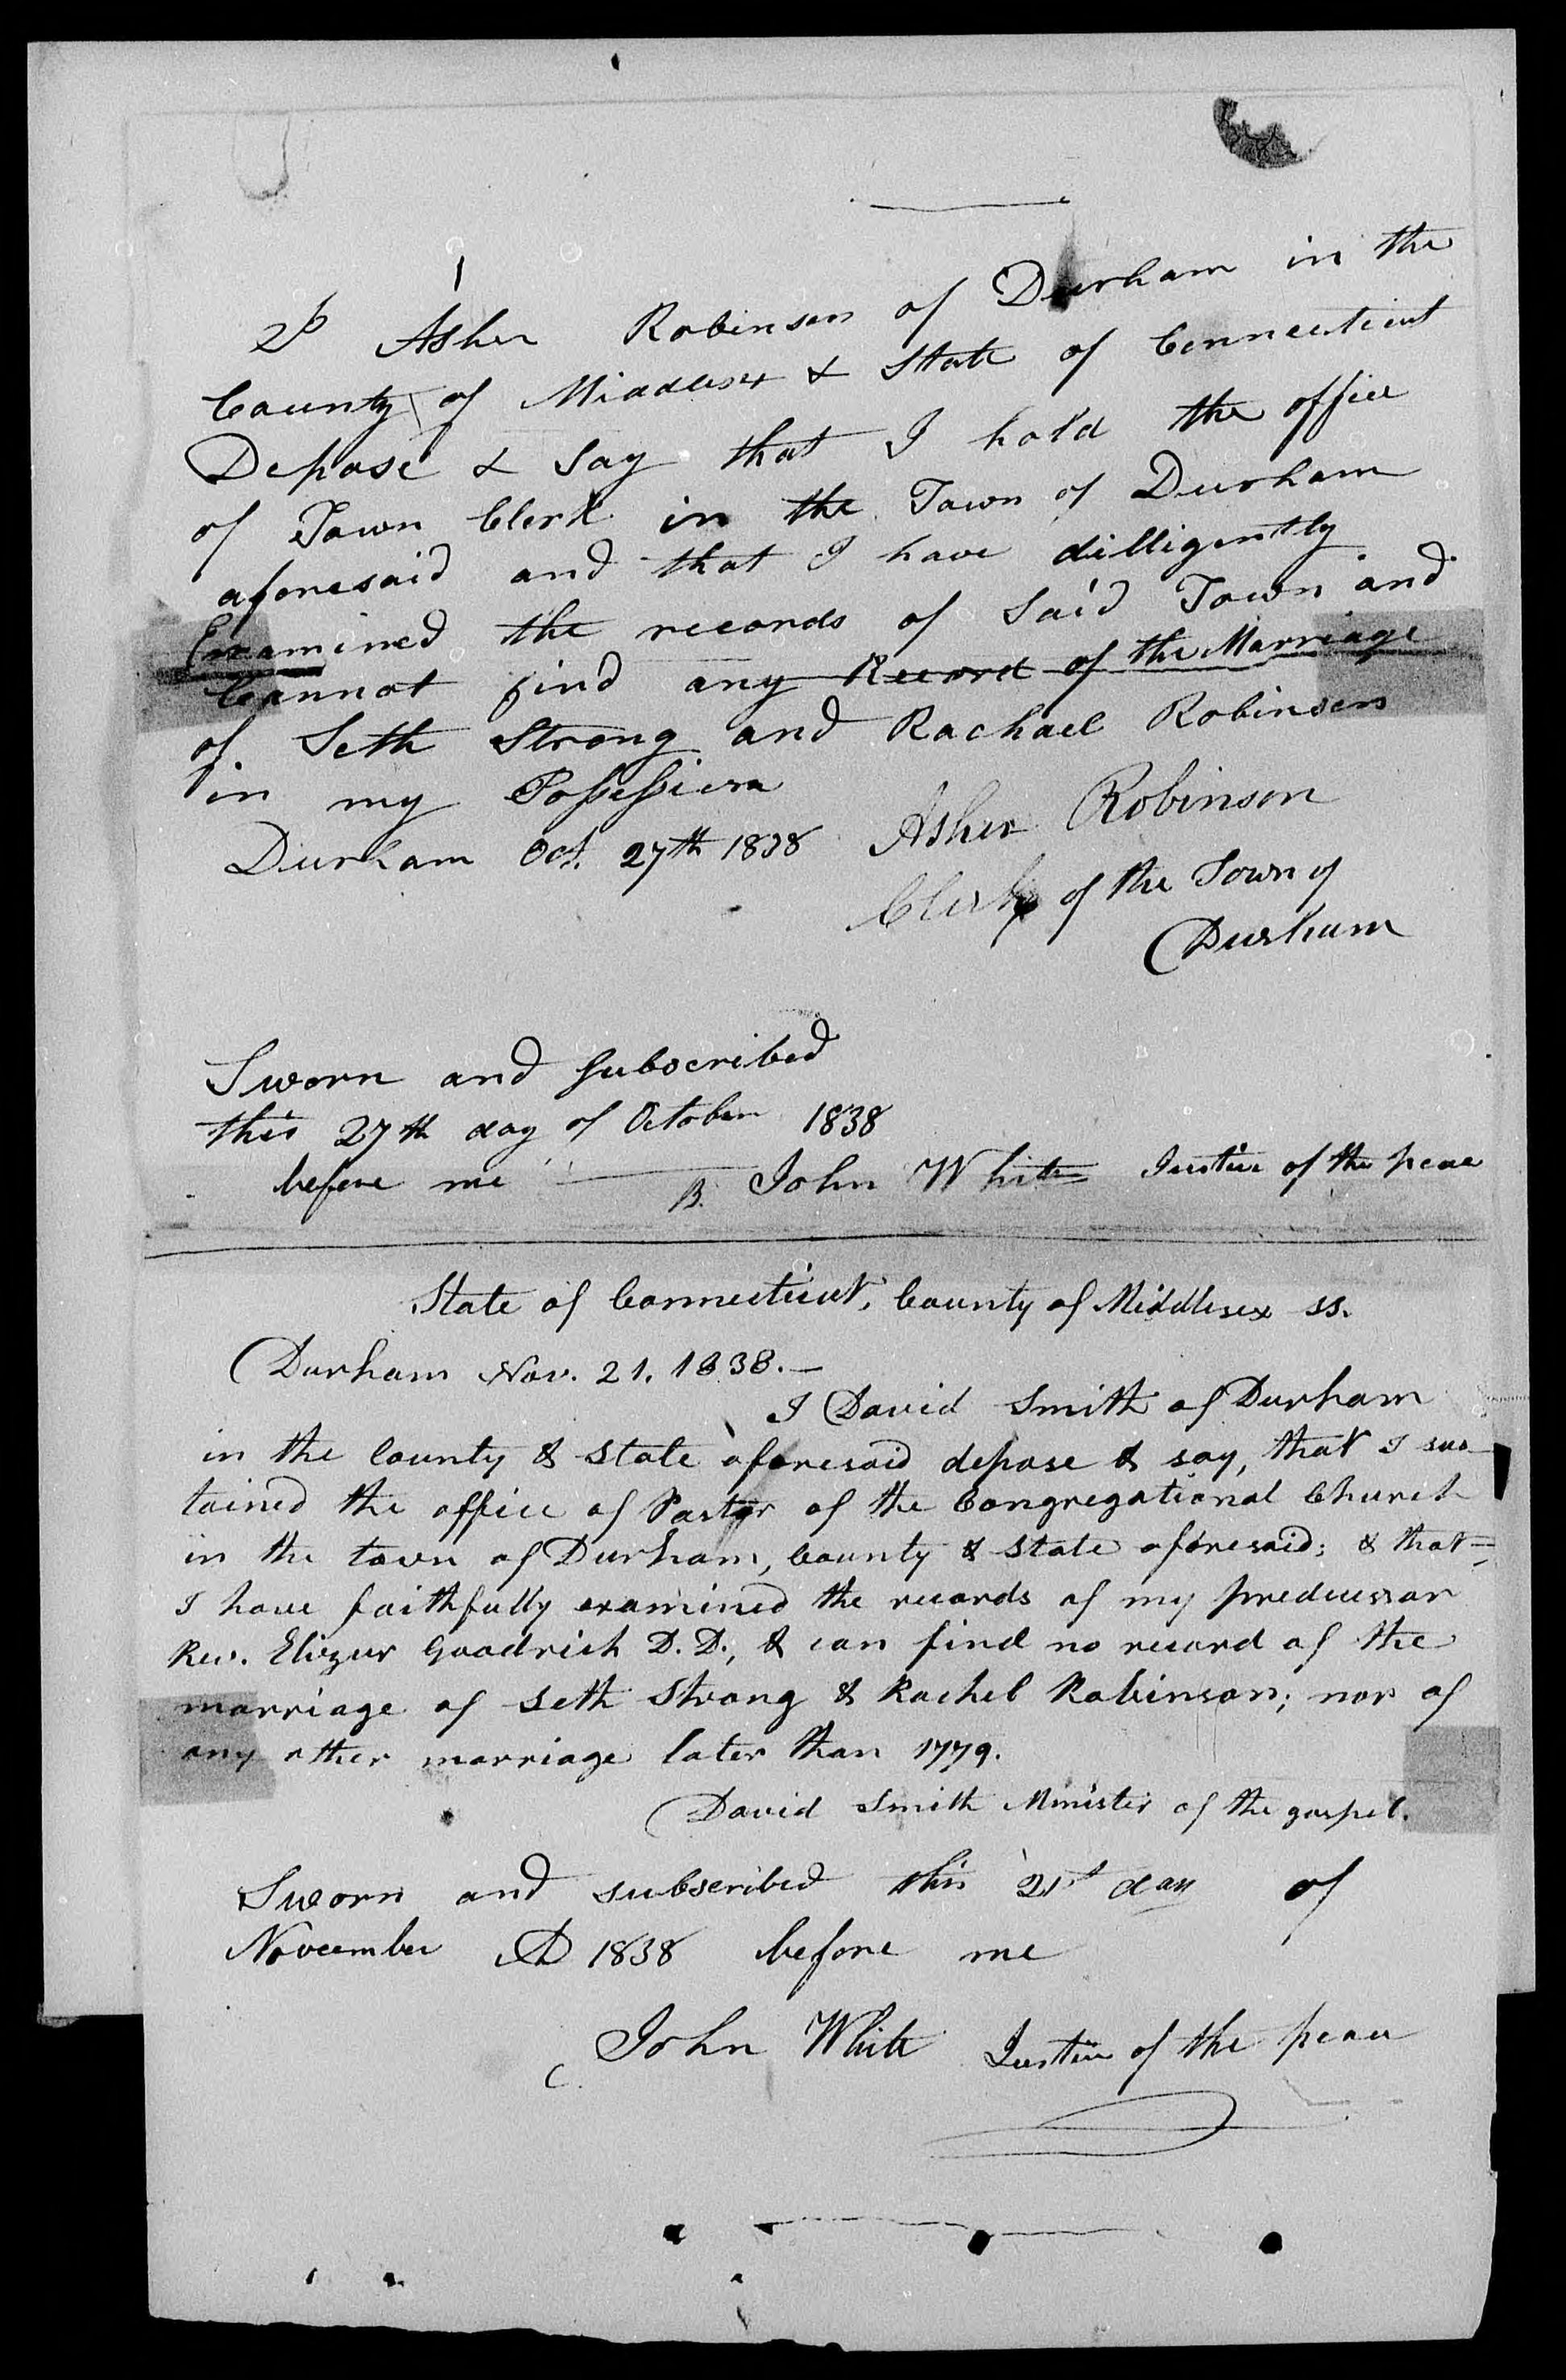I Asher Robinson of Durham in the County of Middlesex & State of Connecticut Depose & Say that I hold the office of Town Clerk in the Town of Durham aforesaid and that I have dilligently Examined the records of Said Town and Cannot find any record of the Marriage of Seth Strong and Rachael Robinson in my possession

Durham Oct. 27th 1838
Asher Robinson
Clerk of the Town of Durham

Sworn and Subscribed
this 27th day of October 1838
before me B.   
John White Justice of the Peace

State of Connecticut, County of Middlesex ss.

Durham Nov. 21, 1838.-

I David Smith of Durham in the County & State aforesaid depose & say, that I sustained the office of Pastor of the Congregational Church in the town of Durham, County & State aforesaid;  & that I have faithfully examined the records of my predecessor Rev. Elizur Goodrich D.D., & can find no record of the marriage of Seth Strong & Rachel Robinson; nor of any other marriage later than 1779.

David Smith, Minister of the gospel.

Sworn and subscribed this 21st day of
November AD 1838 before me
C.
John White  Justice of the Peace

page: 11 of 47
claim: widow's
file: W. 17879, for Seth Strong, Connecticut